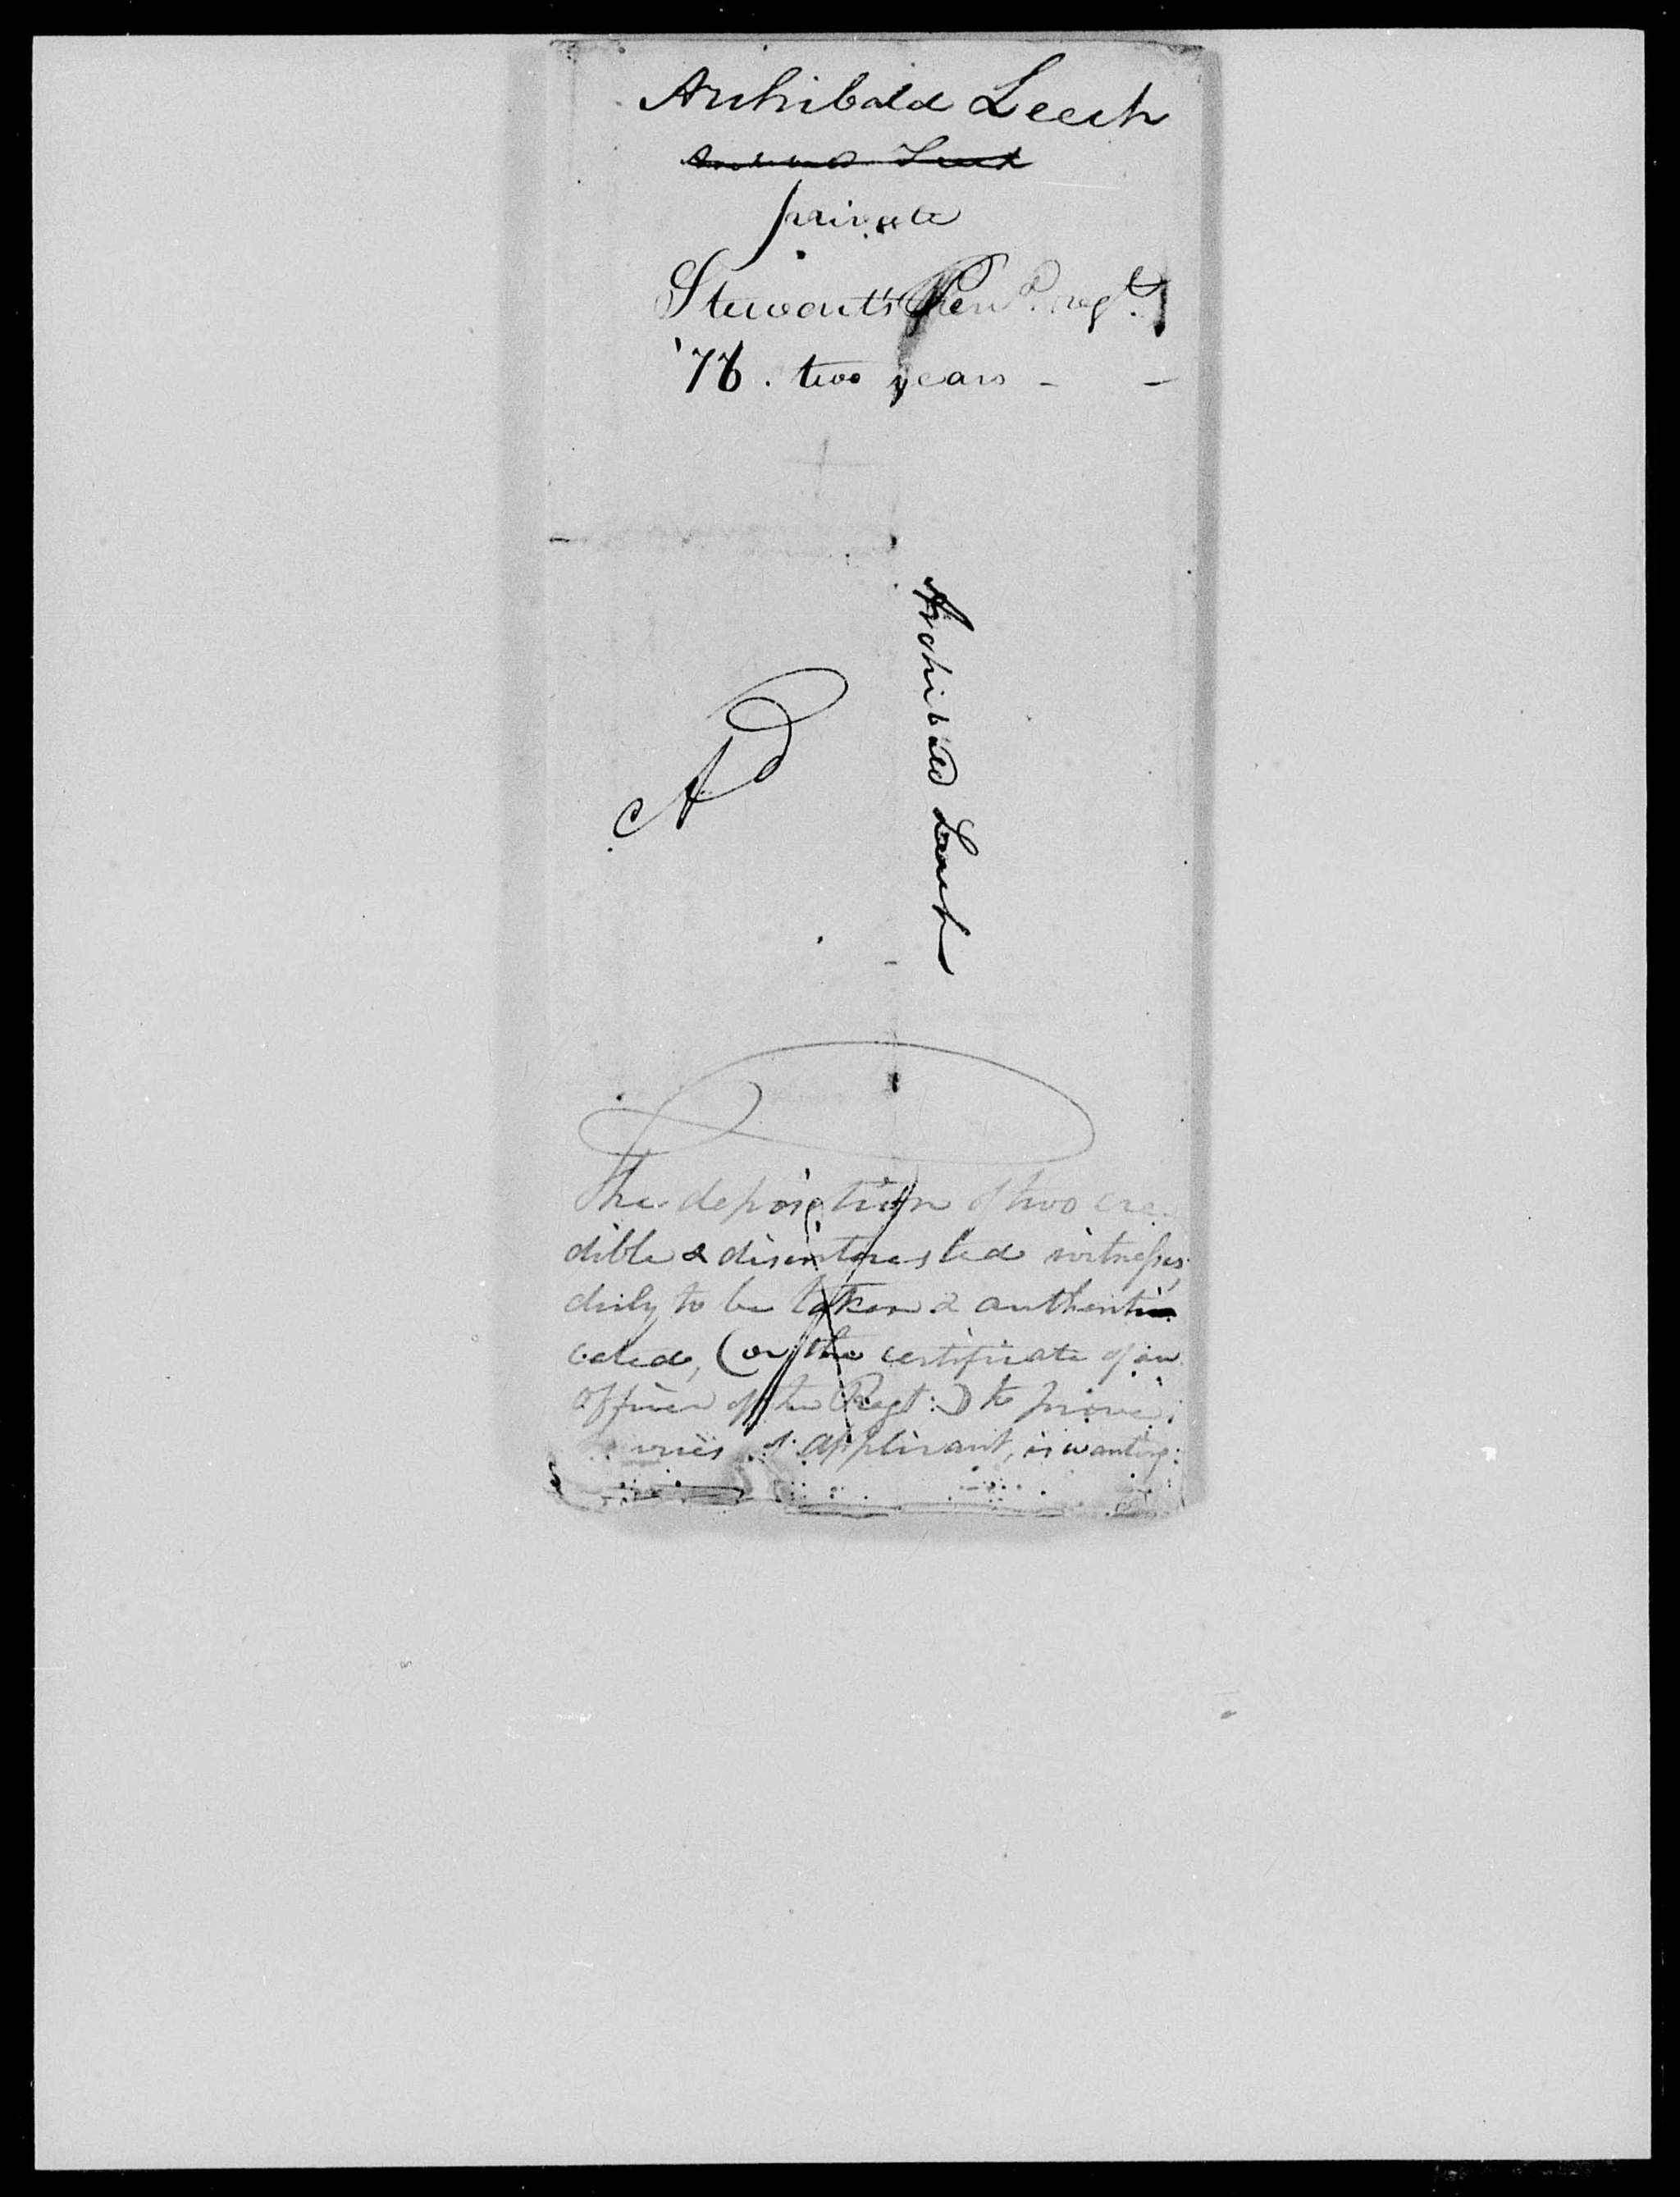Archibald Leech, private
Stewart's Pennsylvania Regiment
1776, two years
The deposition of two credible and disinterested witnesses duly to be taken and authenticated (or the certificate of an officer of the Regiment) to prove services of applicant, is wanting.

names: Archibald Leech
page: 3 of 20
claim: survivor's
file: S. 40,935, for Archibald Leech, Pennsylvania